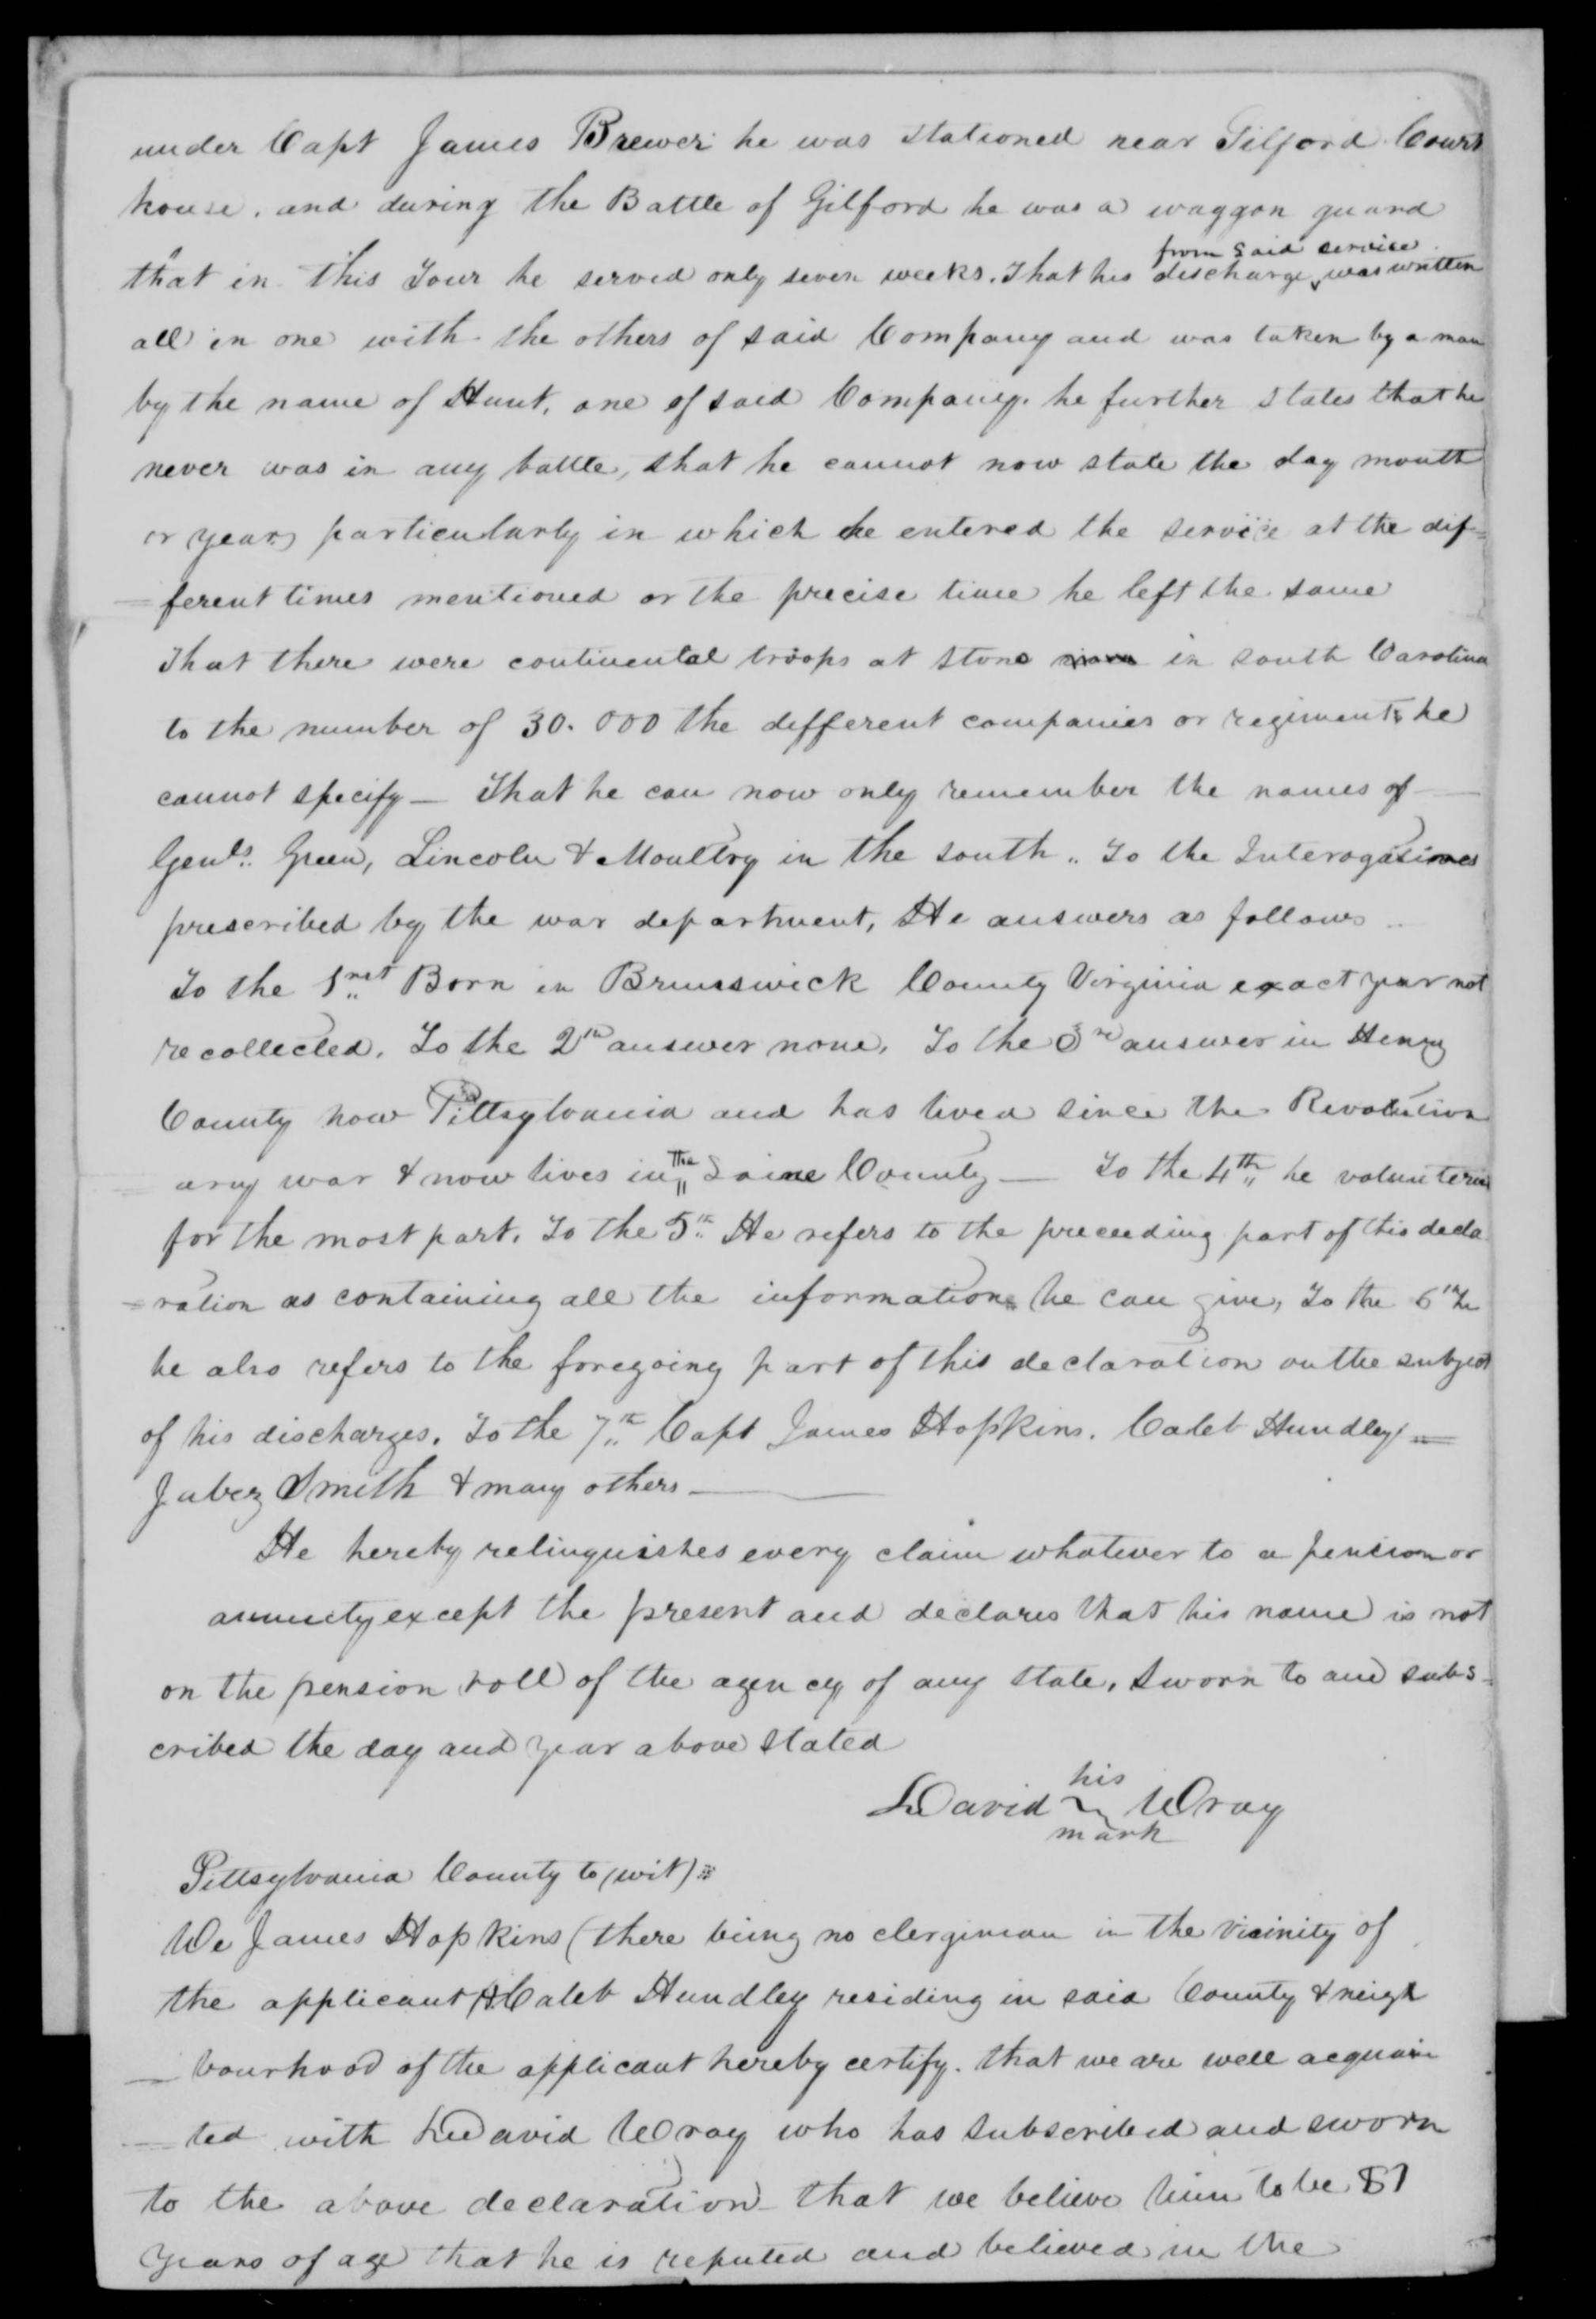under Capt James Brewer he was stationed near Gilford Courthouse and during the Battle of Gilford he was a waggon guard that in this Tour he served only seven weeks.  That his discharge from said service was written all in one with the others of said Company and was taken by a man by the name of Hunt, one of said Company, he further states that he never was in any battle, that he cannot now state the day month or years particularly in which he entered the service at the different times mentioned or the precise time he left the same.
That there were continental troops at Stone [word is crossed out] in South Carolina to the number of 30,000 the different companies or regiments he cannot specify.  That he can now only remember the names of Genls. Green, Lincoln + Moultry in the South.  To the Interrogatories prescribed by the war department, He answers as follows:
To the 1st Born in Brunswick County Virginia exact year not recollected.  To the 2nd answer none.  To the 3rd answer in Henry County, now Pittsylvania and has lived since the Revolutionary war + now lives in the same County.  To the 4th he volunteered for the most part.  To the 5th He refers to the preceeding part of this declaration as containing all the information he can give.  To the 6th he also refers to the foregoing part of his declaration on the subject of his discharges.  To the 7th Capt. James Hopkins, Caleb Hundley,  Jabez Smith + many others.
He hereby relinquishes every claim whatever to a pension or annuity except the present and declares that his name is not on the pension roll of the agency of any State. Sworn to and subscribed the day and year above stated.
David his X mark Wray
Pittsylvania county to (wit)
We James Hopkins (there being no clergyman in the vicinity of the applicant) + Caleb Hundley residing in said County + neighborhood of the applicant hereby certify that we are well acquainted with David Wray who has subscribed and sworn to the above declaration that we believe him to be 81 years of age that he is reputed and believed in the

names: Caleb Hundley, James Brewer, Jabez Smith, James Hopkins, David Wray, Green, Hunt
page: 4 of 19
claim: survivor's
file: S. 7,973, David Wray, Va.